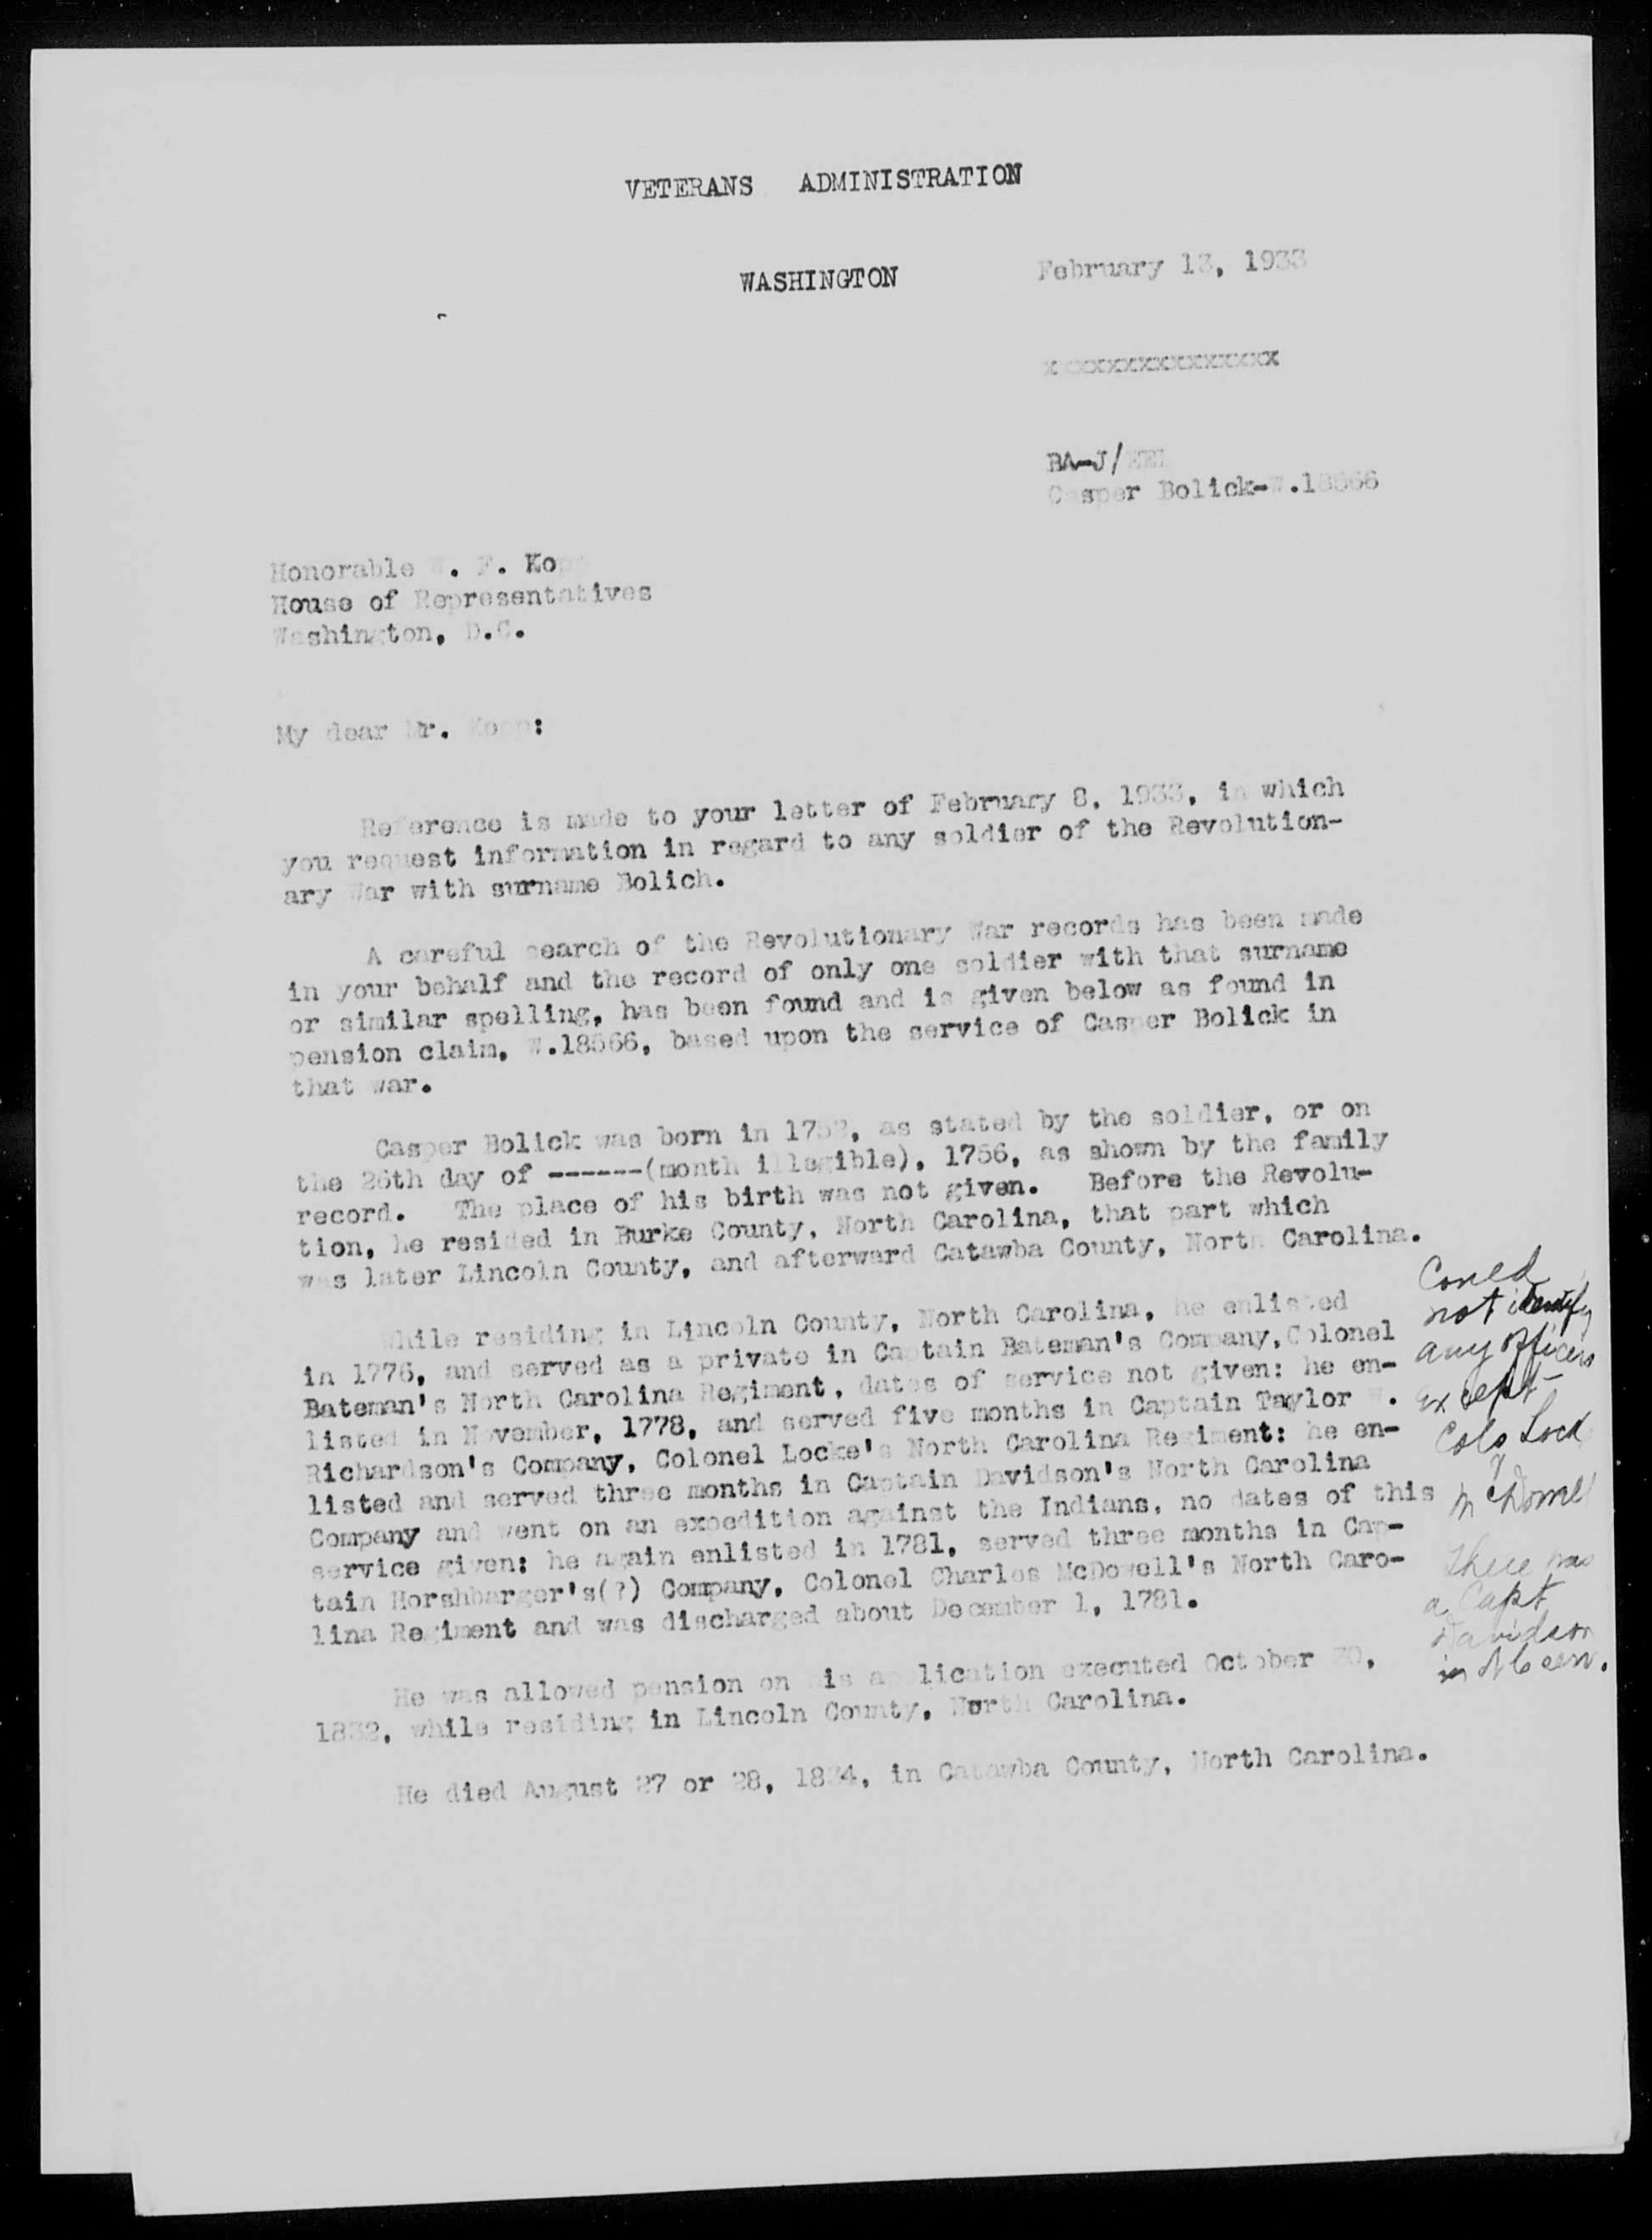VETERANS ADMINISTRATION
WASHINGTON

February 13, 1933
XXXXXXXXXXXXXXX
BA-J/EEI
Casper Bolick

Honorable F. Kopp
House of Representatives
Washington, D.C.

My dear Mr. Kopp

Reference is made to your letter of February 8, 1933, in which you request information in regard to any soldier of the Revolutionary War with surname Bolich. A careful search of the Revolutionary War records has been made
in your behalf and the record of only one soldier with that surname or similar spelling, has been found and is given below as found in
pension claim, W.18066, based upon the service of Casper Bolick in that war.
Casper Bolick was born in 1752, as stated by the soldier, or on the 26th day of (month illegible), 1752, as shown by the family
record. The place of his birth was not given. Before the Revolution, he resided in Burke County, North Carolina, that part which was 
later Lincoln County, and afterward Catawba County, North Carolina.
While residing in Lincoln County, North Carolina, he enlisted

in 1776, and served as a private in Captain Bateman's Company, Colonel Bateman's North Carolina Regiment, dates of service not given: he enlisted in November, 1778, and served five months in Captain Taylor Richardson's Company, Colonel Locke's North Carolina Regiment: he enlisted and served three months in Captain Davidson's North Carolina
Company and went on an expedition among the Indians, no dates of this service given: he again enlisted in 1781, served three months in Captain Horshburger's (?)  Company, Colonel Charles McDowell's North Carolina Regiment and was discharged about December 1, 1781.
He was allowed pension on his application executed October 1832,  while residing in Lincoln County, North Carolina.
He died August 27 or 28, 1834, in Catawba County, North Carolina.

[Margin notes - Could not identify any officers except - Col. Lock & McDowell. There was a Capt. Davidson in N. Car.]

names: Casper Bolick, Mc Dowell, Lock, Casper Bolick, Casper Bolick, Davidson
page: 17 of 43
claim: widow's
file: W. 18,566, Casper Bolick, N.C.